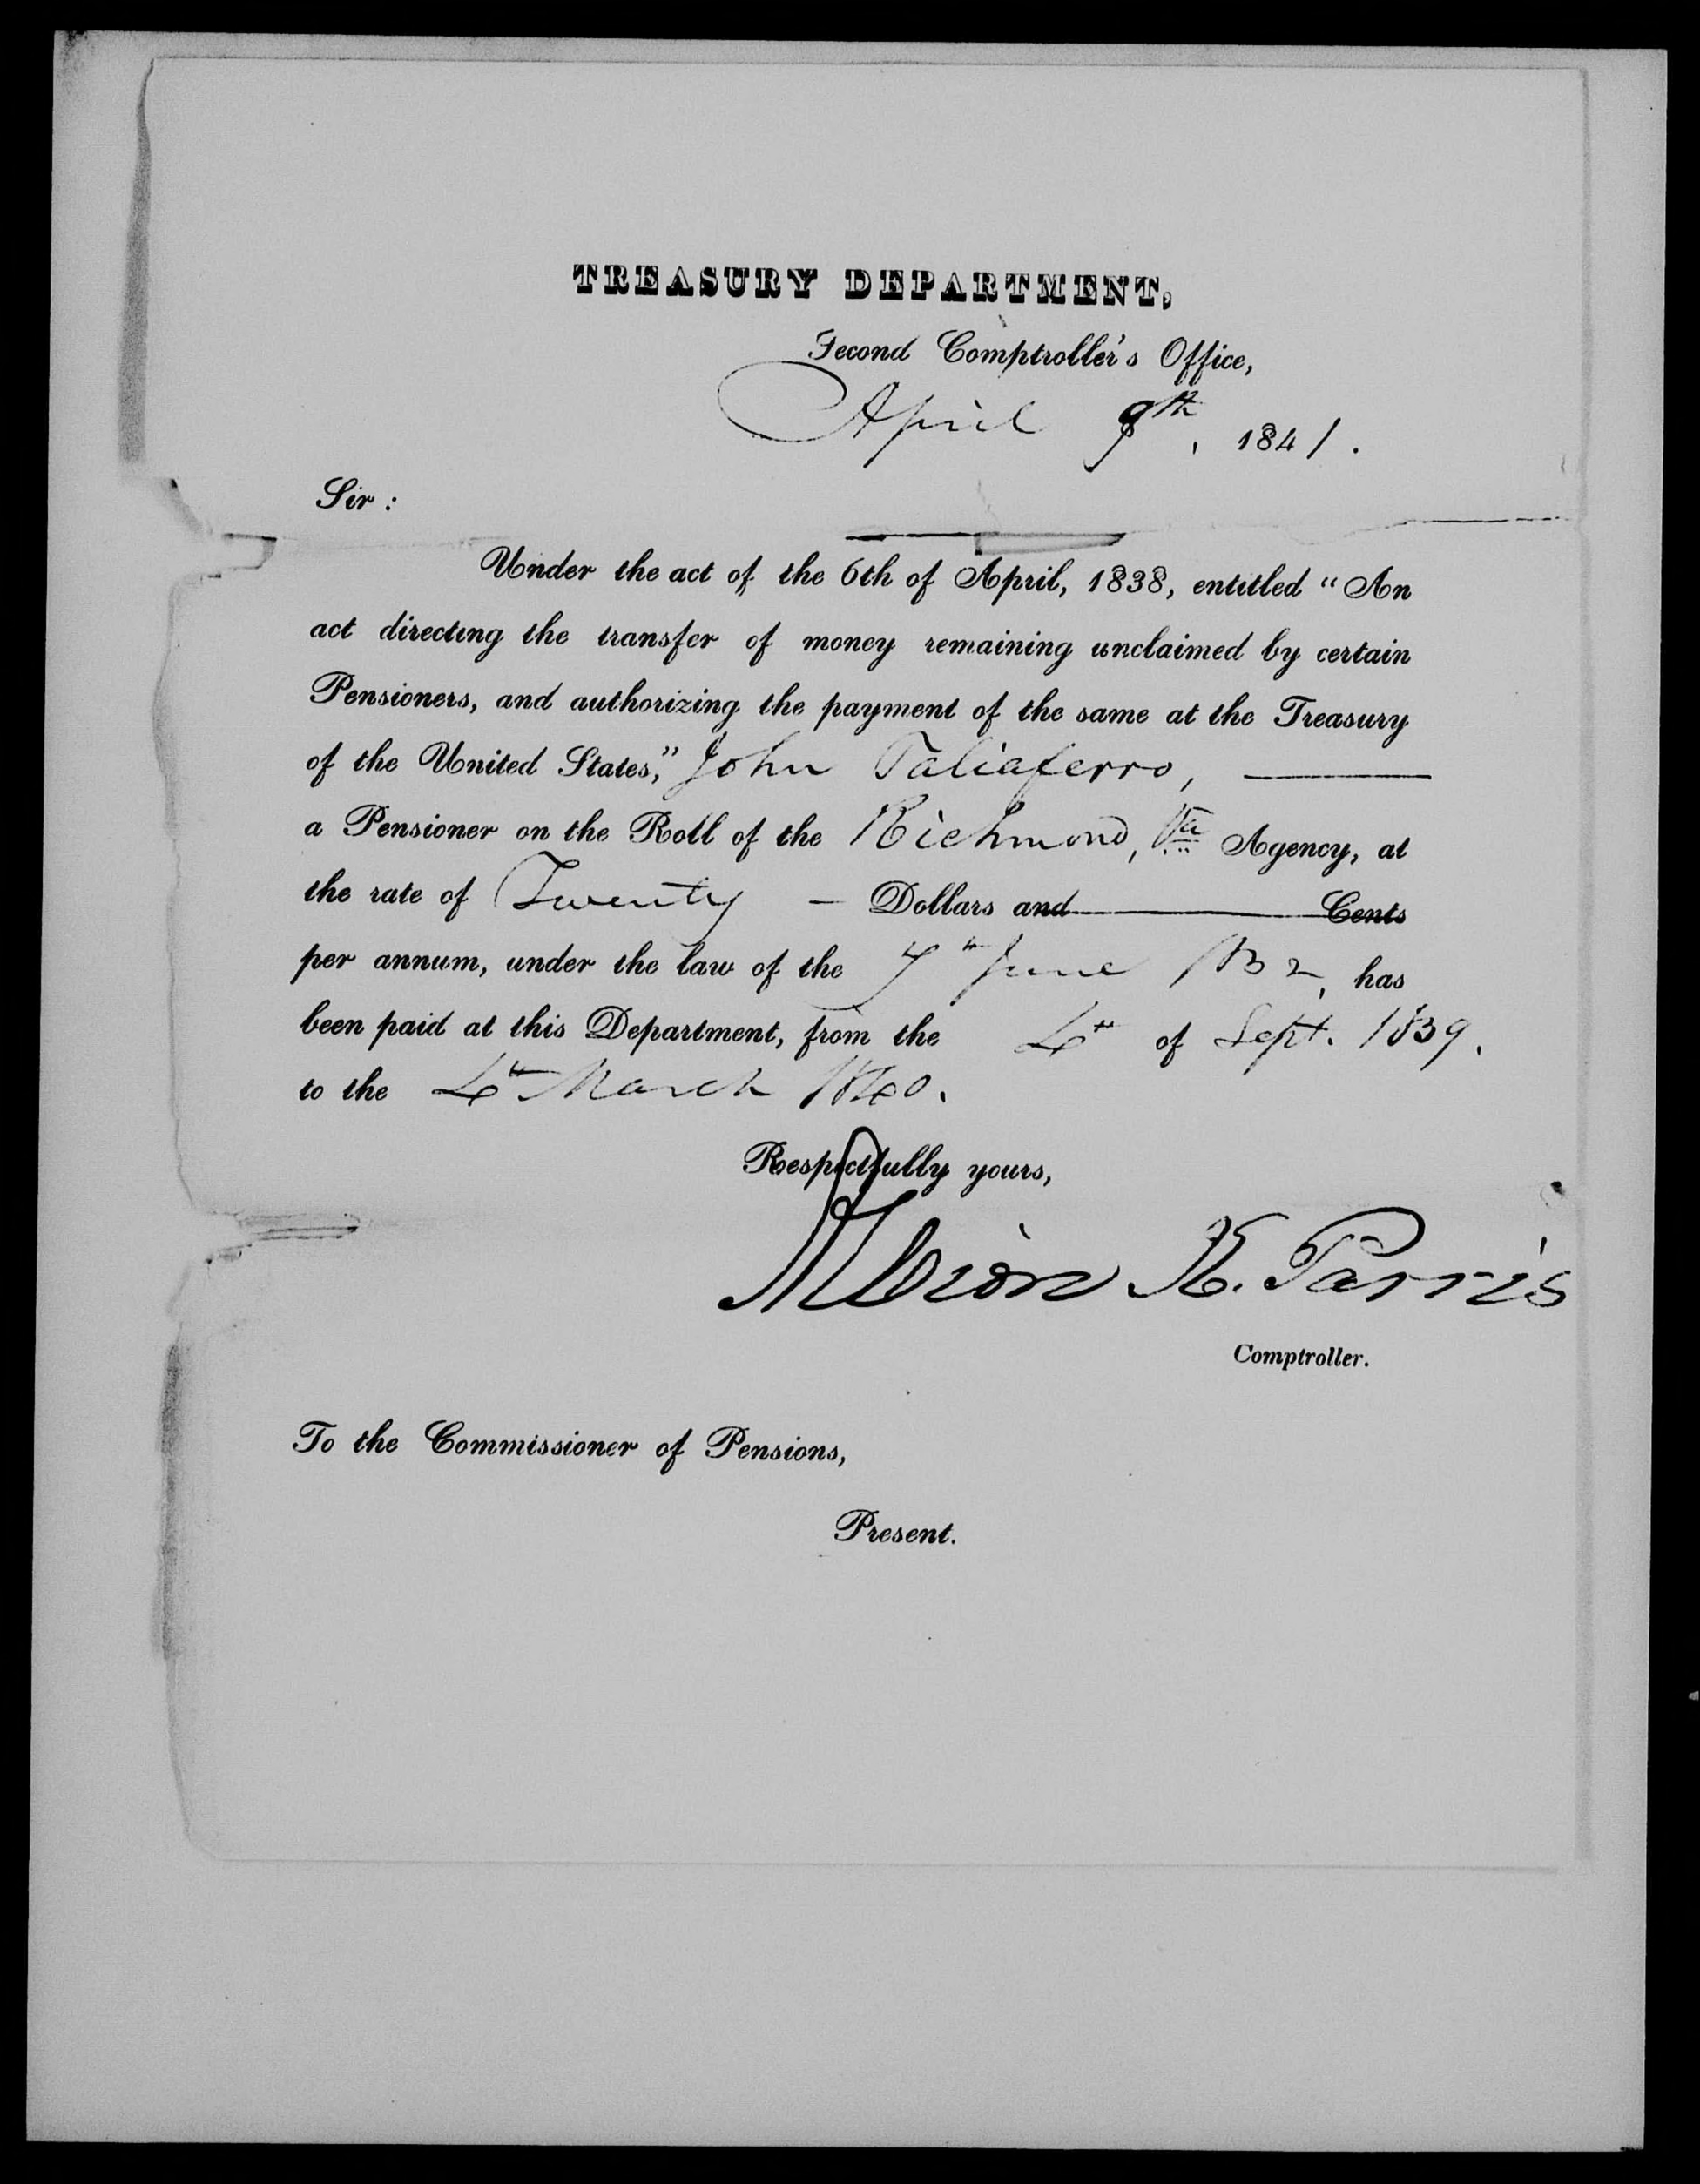TREASURY DEPARTMENT,
Second Comptroller's Office
April 9th, 1841

Sir:
Under the act of the 6th of April, 1838, entitled "An act directing the transfer of money remaining unclaimed by certain Pensioners, and authorizing the payment of the same at the Treasury of the United States," John Taliaferro, a Pensioner on the Roll of the Richmond, Va Agency, at the rate of Twenty Dollars and [crossed through] Cents per annum, under the law of the 7 June 1832, has been paid at this Department, from the 4th of Sept. 1839 to the 4th March 1860.

Respectfully yours,
Albion K. Parris
Comptroller.

To the Commissioner of Pensions,
Present.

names: Albion K Parris; John Taliaferro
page: 3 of 34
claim: survivor's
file: S. 19483, for John Taliaferro, Virginia